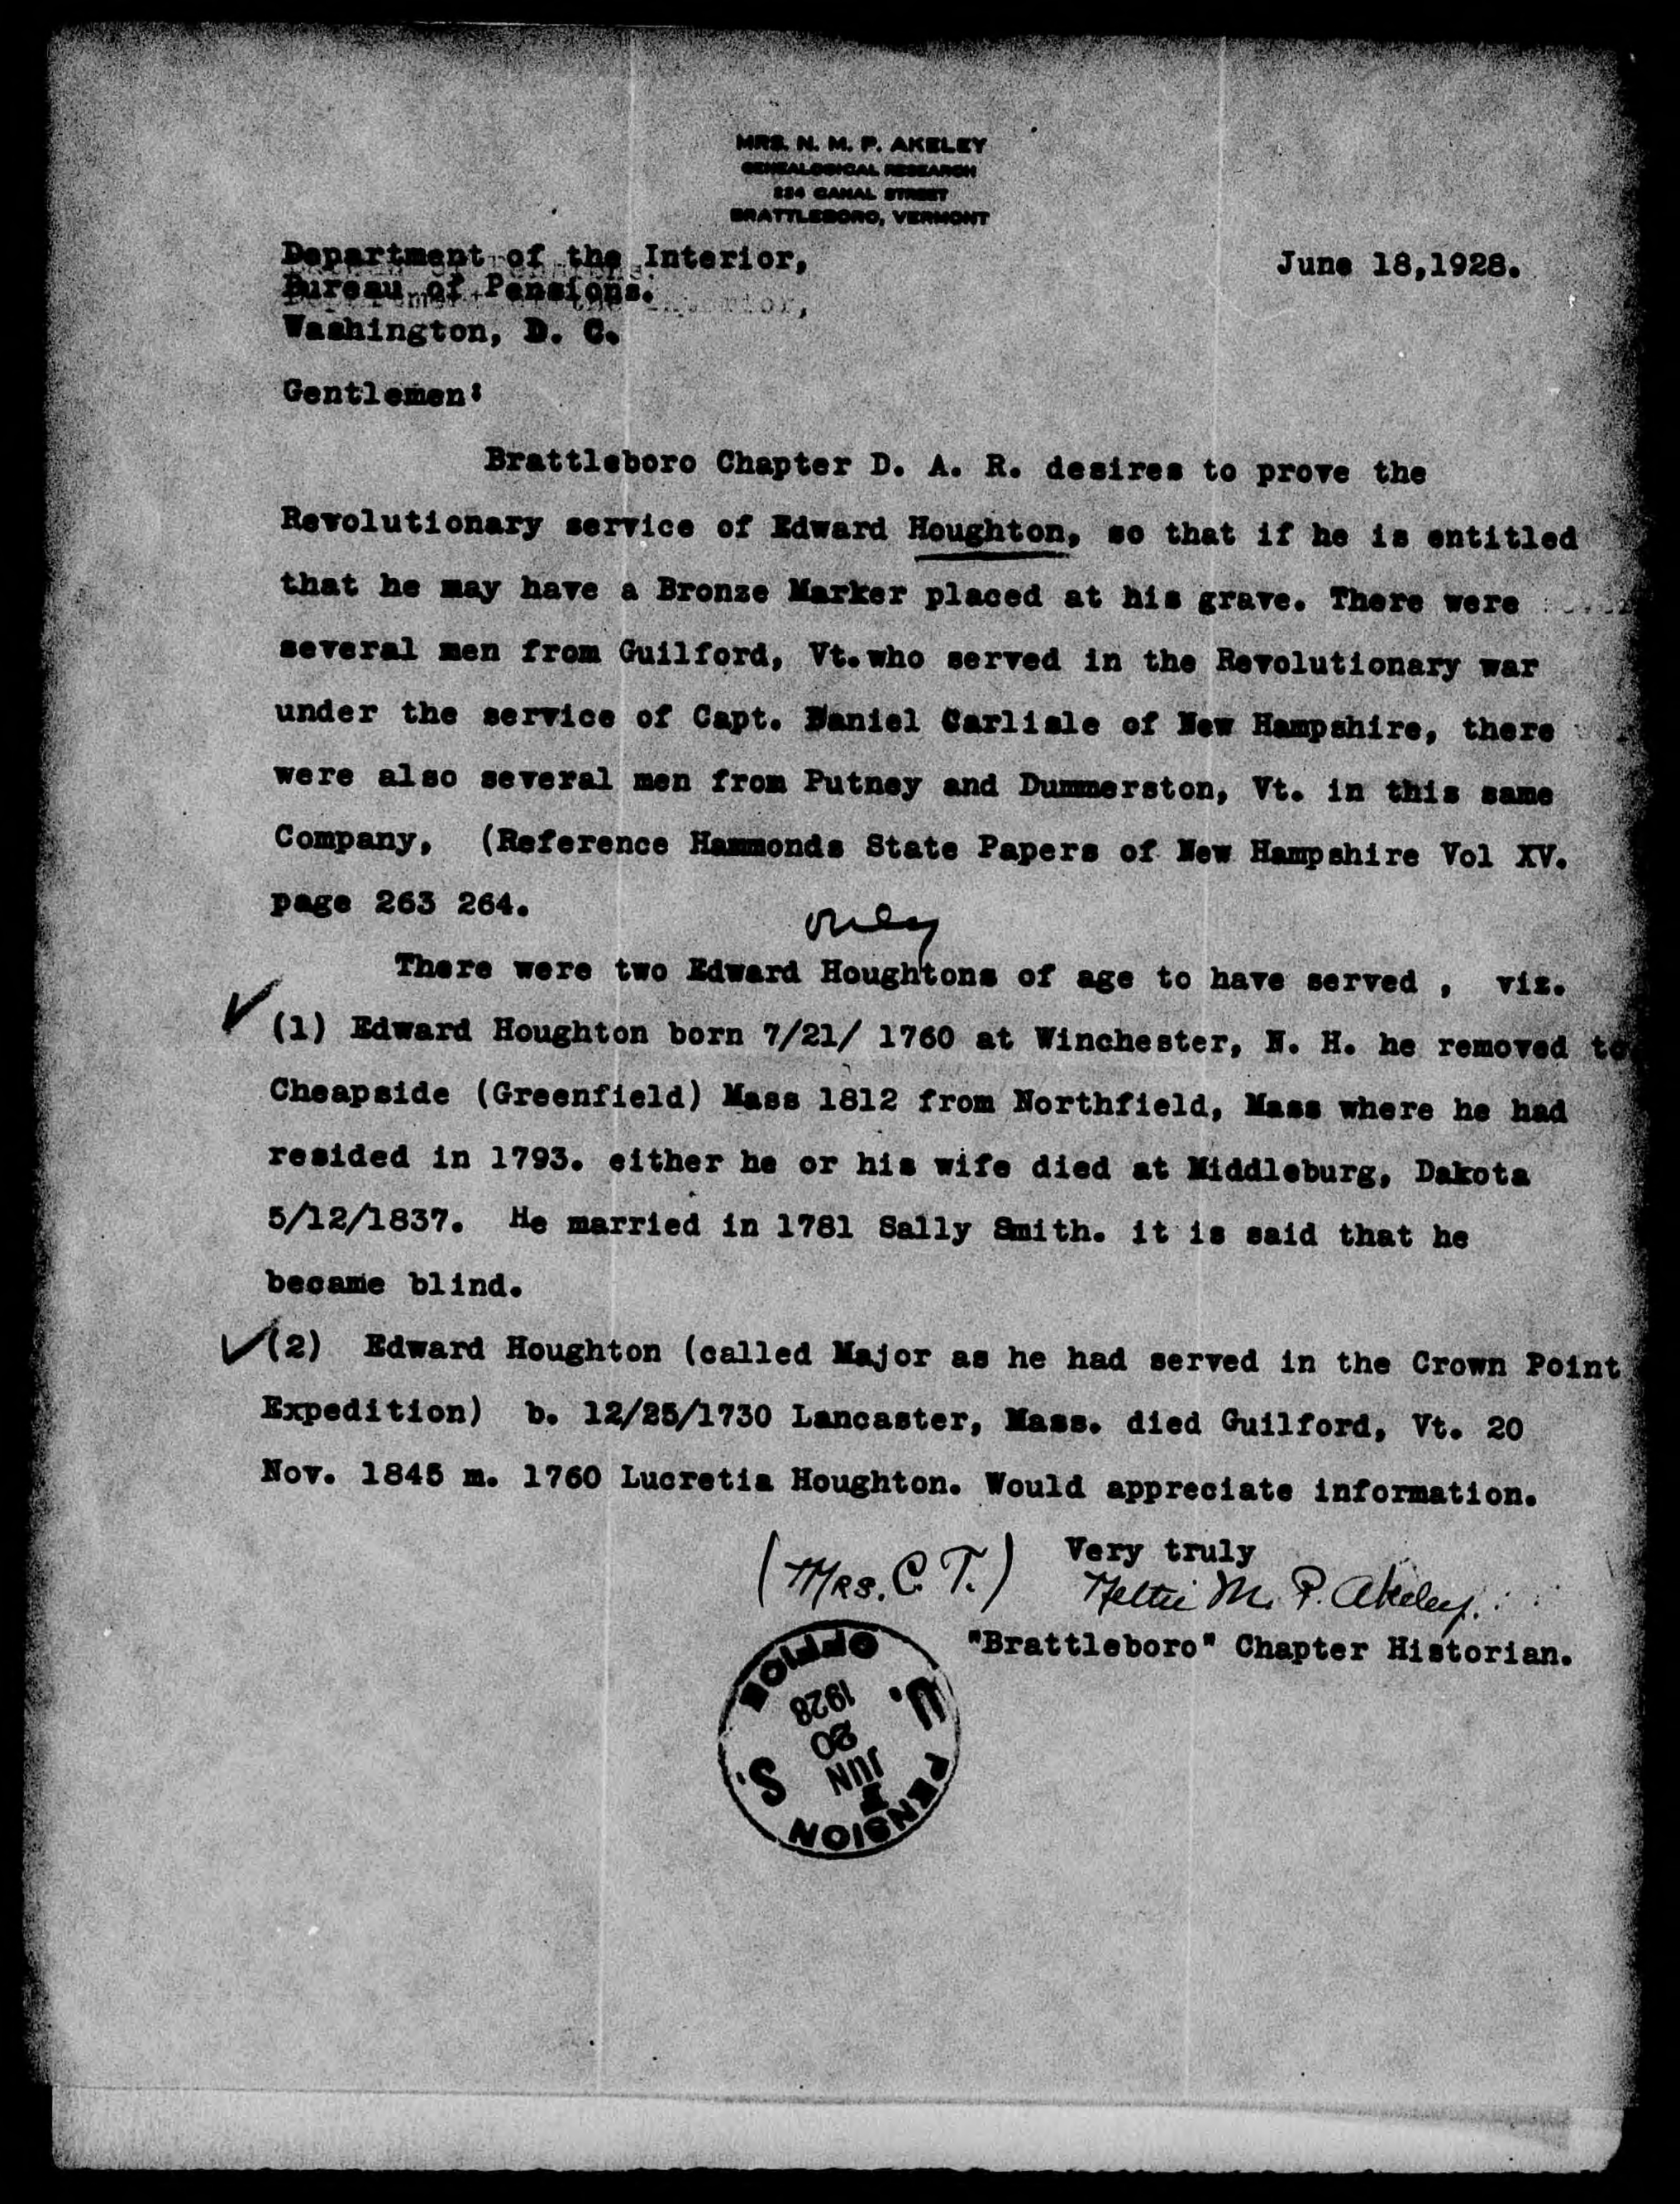[Typed letter]
[Top address is centered on page]
MRS. N. M. P. AKELEY
GENEALOGICAL RESEARCH
[blurred/illegible number] CANAL STREET BRATTLEBORO, VERMONT

[Date at right side of page]June 18, 1928

[Address at left side of page]
Department of the Interior,
Bureau of Pensions.
Washington, D.C.

Gentlemen:

Brattleboro Chapter D. A. R. desires to prove the Revolutionary service of Edward Houghton [last name underlined], so that if he is entitled that he may have a Bronze Marker placed at his grave. There were several men from Guilford, Vt. who served in the Revolutionary war under the service of Capt. Daniel Carlisle of New Hampshire, there were also several men from Putney and Dummerston, Vt. in this same Company, (Reference Hammonds State Papers of New Hampshire Vol XV. page 263 264.)

There were two Edward Houghtons [“only”handwritten above the name] of age to have served, vis. [handwritten check mark to left of](1) Edward Houghton born 7/21/1760 at Winchester, N. H. he removed to Cheapside (Greenfield) Mass 1812 from Northfield, Mass where he had resided in 1793. Either he or his wife died at Middleburg, Dakota 5/12/1837. He married in 1781 Sally Smith. It is said that he became blind.

[handwritten check mark to left of](2) Edward Houghton (called Major as he had served in the Crown Point Expedition) b. 12/25/1730 Lancaster, Mass. died Guilford, Vt. 20 Nov. 1845 m. 1760 Lucretia Houghton. Would appreciate information.

[“Mrs. C. T.” written in parentheses to the left] Very truly,
Nellie M. P. Akeley [signature]
“Brattleboro” Chapter Historian.

[Underneath that, a little to the left is a black circular stamp that says “U. S. Pension Office Jun 20 1928”]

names: Edward Houghton, Lucretia Houghton, Nettie M P Akeley, Daniel Carlisle, C T Akeley, Sally Smith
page: 7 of 10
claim: survivor's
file: S. 32,841, Edward Houghton, N.H.